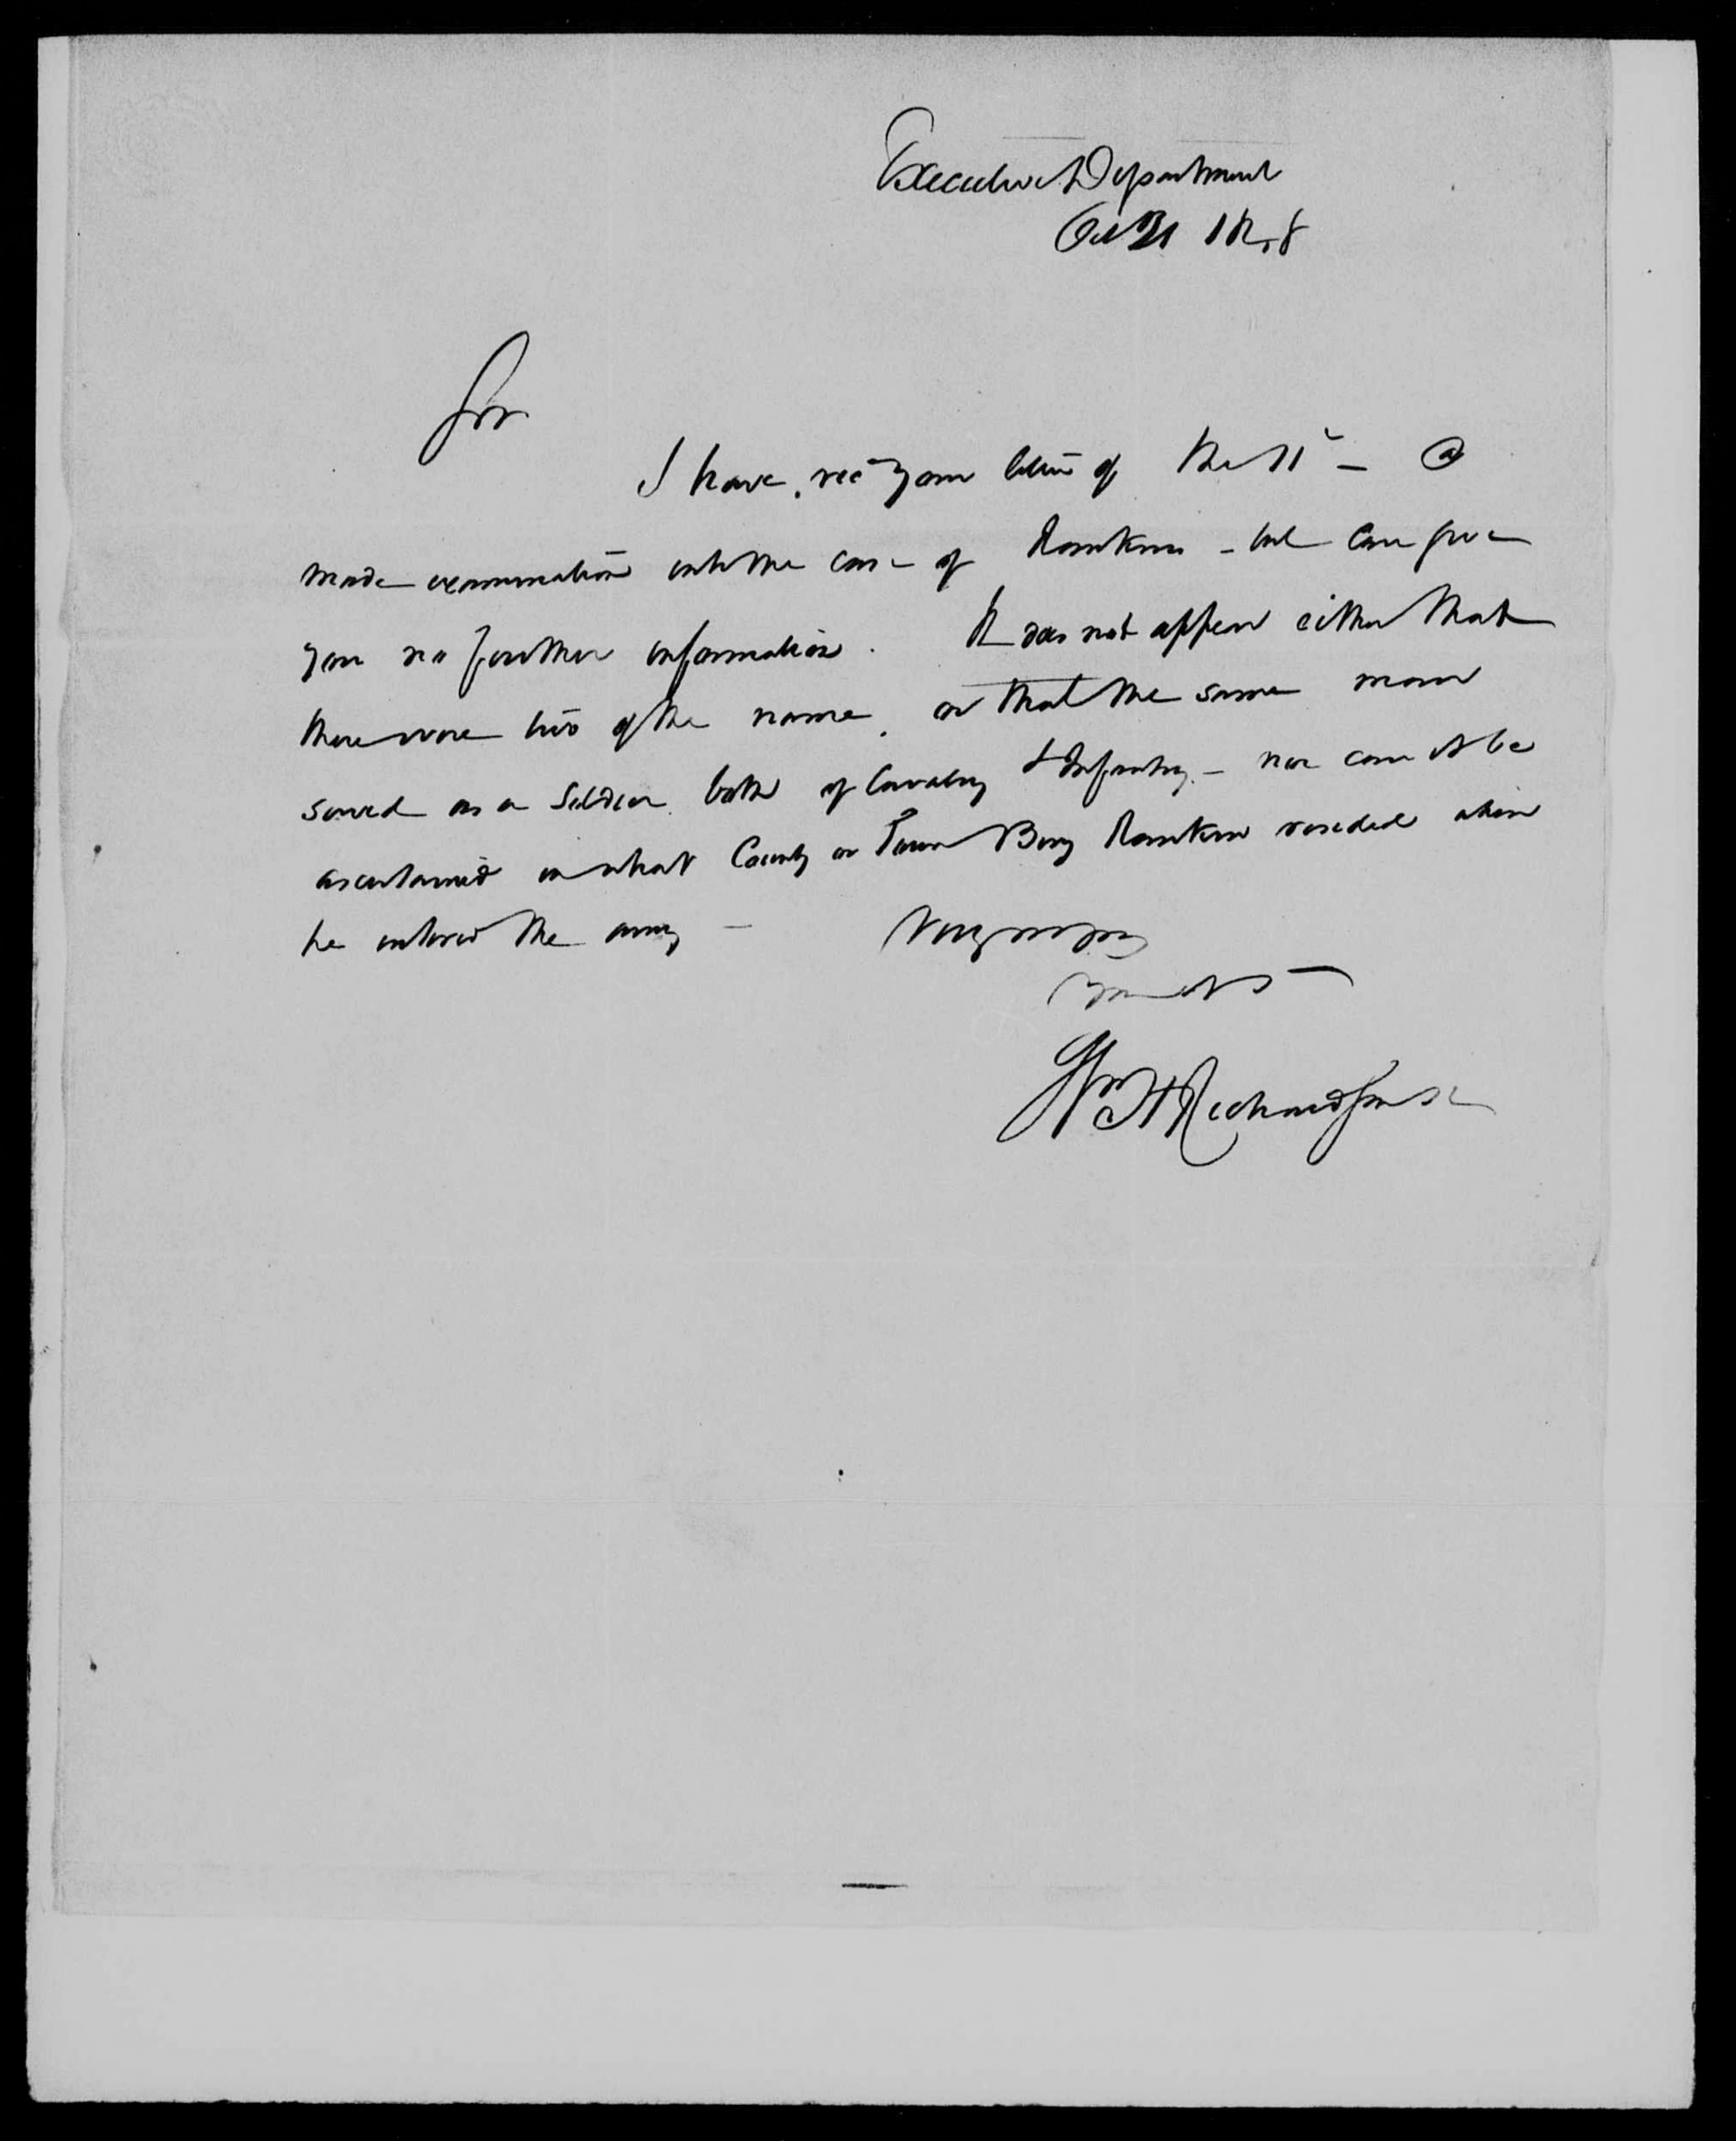Executive Department
Oct 21 18[illegible]8

Sir

I have recd your letter of [illegible] @ made examination in [illegible] of [Illegible] -  [illegible] can give you no further information.  It does not appear either that [illegible section] of his name or that the same man served as a Soldier both of Cavalry & Infantry.—nor can it be ascertained in what county or town Benj Rankin resided when he entered the army—

[Illegible] yours

Wm H Richardson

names: Rankin, Benj Rankin, Wm H Richardson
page: 82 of 84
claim: widow's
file: W. 7744, Daniel Hickey, Penn.